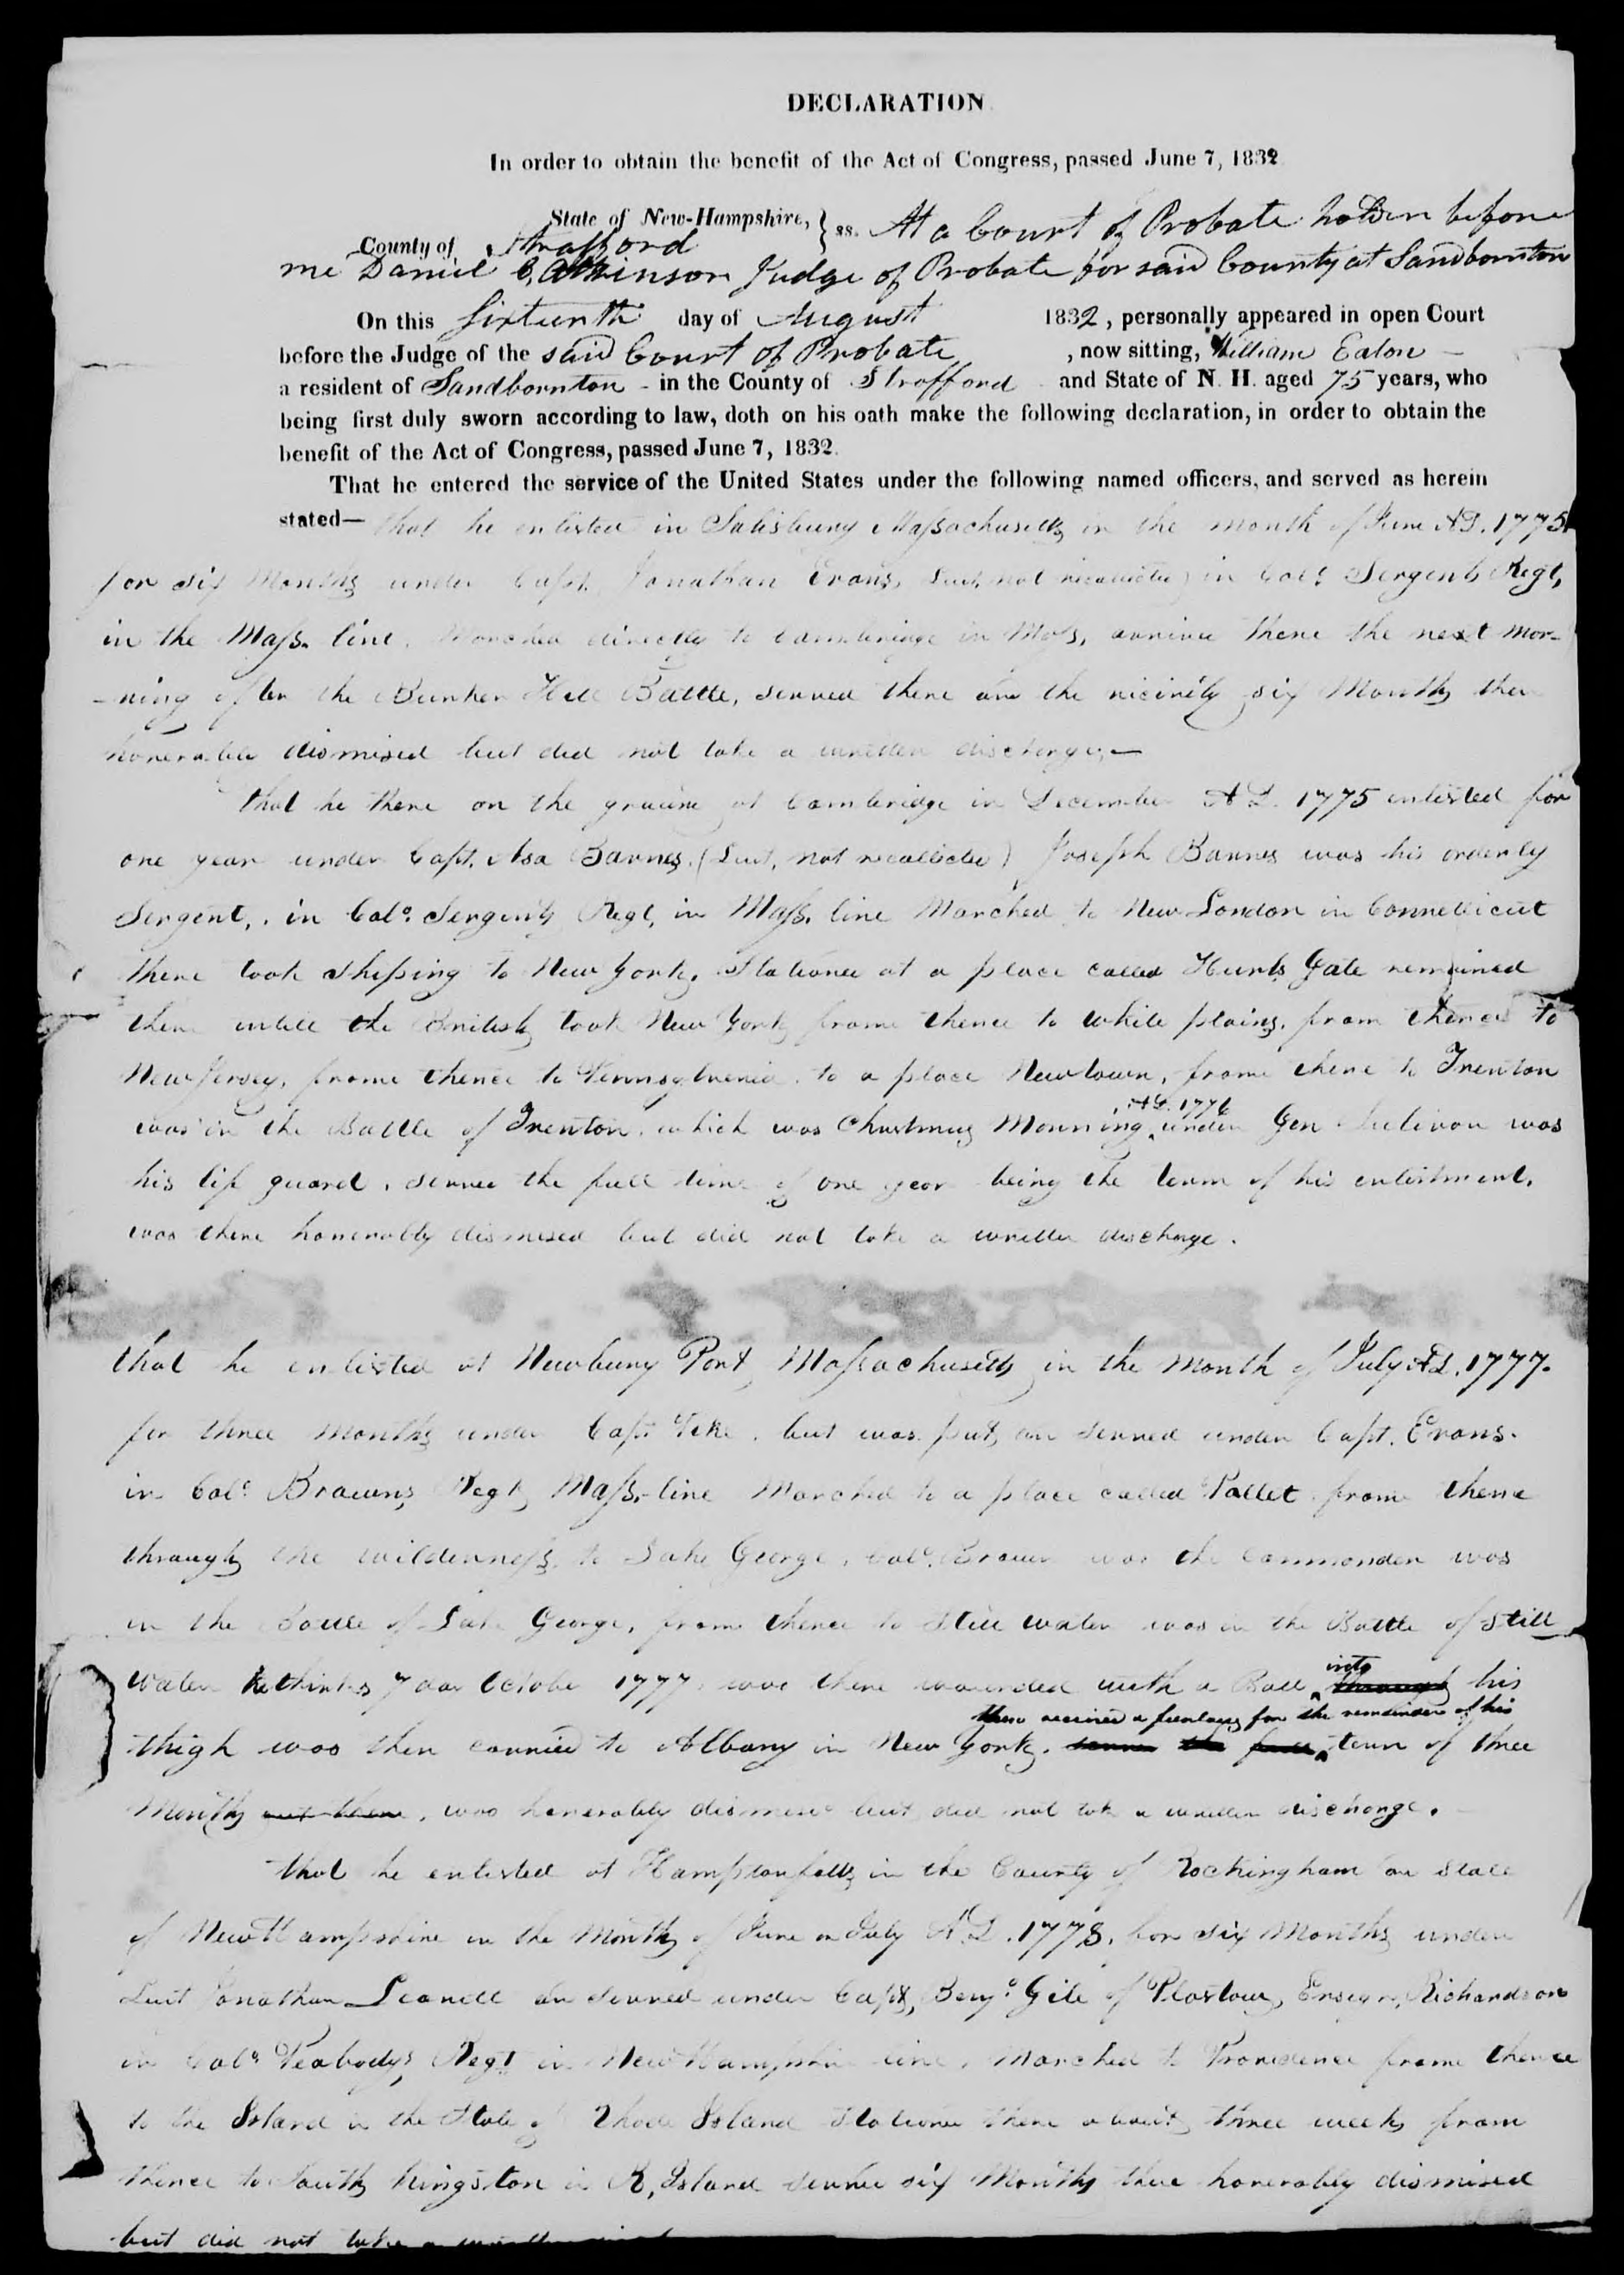DECLARATION
            In order to obtain the benefit of the Act of Congress, passed June 7, 1832
State of New Hampshire, 
County of Strafford   at a Court of Probate taken before
me Daniel C. Atkinson Judge of Probate for said County at Sandbornton.
    On this sixteenth day of August  1832 personally appeared in open Court
before the Judge of the said Court of Probate, now sitting, William Eaton
a resident of Sandbornton in the County of Strafford and State of N.H. aged 75 years, who being first duly sworn according to law, doth on his oath make the following 
declaration, in order to obtain the benefit of the Act of Congress, passed June 7, 1832.
      That he entered the service of the United States under the following named officers, and served as herein stated --that he enlisted in Salisbury Massachusetts in the month of June, AD. 1775 for six months under Capt. Jonathan Evans, does not remember his [illegible] Sergents Regt. in the Mass. line marched directly to Cambridge in Mass arrived there the next morning after the Bunker Hill Battle, served there in the vicinity six months then honorably dismissed but did not take a written discharge.
      That  he there on the [illegible] of Cambridge in December AD 1775 enlisted for one year under Capt Asa Barnes (Lieut  not recallible, Joseph Barnes was his orderly Sergent, in Colo. Sergent's Rgt., in Mass. line. Marched to New London in Connecticut there took shiping to New York, stationed at a place called Hunts Gate, remained there until the English took New York, from there to White Plains, from there to New Jersey, from there to Pennsylvania to a place Newtown, from there to Trenton was in the battle of Trenton which was Christmas Morning AD 1776 under Gen. Sulivan was his life guard, Since the full term of one year being the term of his enlistment was there honorably dismissed but did not take a written discharge.

that he enlisted at Newbury Port Massachusetts in the month of July AD. 1777 for three months under Capt.Leke but was put and served under Capt. Evans
in Col. Brown.s Regt. , Mass. line marched to a place called Pallet from there through the wilderness to Lake George, Colo Brown was the commander was in the Battle of Lake George, from thence to Still Water was in the Battle of Still Water he thinks 7 day October 1777, was there wounded with Ball into his thigh, was then carried to Albany in New York, [inserted: there received a fantasy for the remainder of his] term of three Months, was honorably dismissed but did not take a written discharge 

that he enlisted at Hampton falls, in the County of Rockingham and State of New Hampshire in the month of June or July A.D. 1778, for six months under Lieut Jonathan Scannell and served under Capt. Benj. Gile of Plastow, Ensign, Richardson in Col Peabody Regt in New Hampshire line, marched to Providence from thence to the Island in the State of Rhode Island Stationer there about three weeks from thence to South Kingston in R. Island served six months there honorably dismised did not take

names: Richardson, Asa Barnes, Joseph Barnes, Jonathan Scanell, Pike, Evans, Jonathan Evans, Benje Gile, William Eaton, Evans, Sulivan, Daniel C Atkinson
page: 4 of 21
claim: survivor's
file: S. 16374, William Eaton, Continental Mass. N.H.